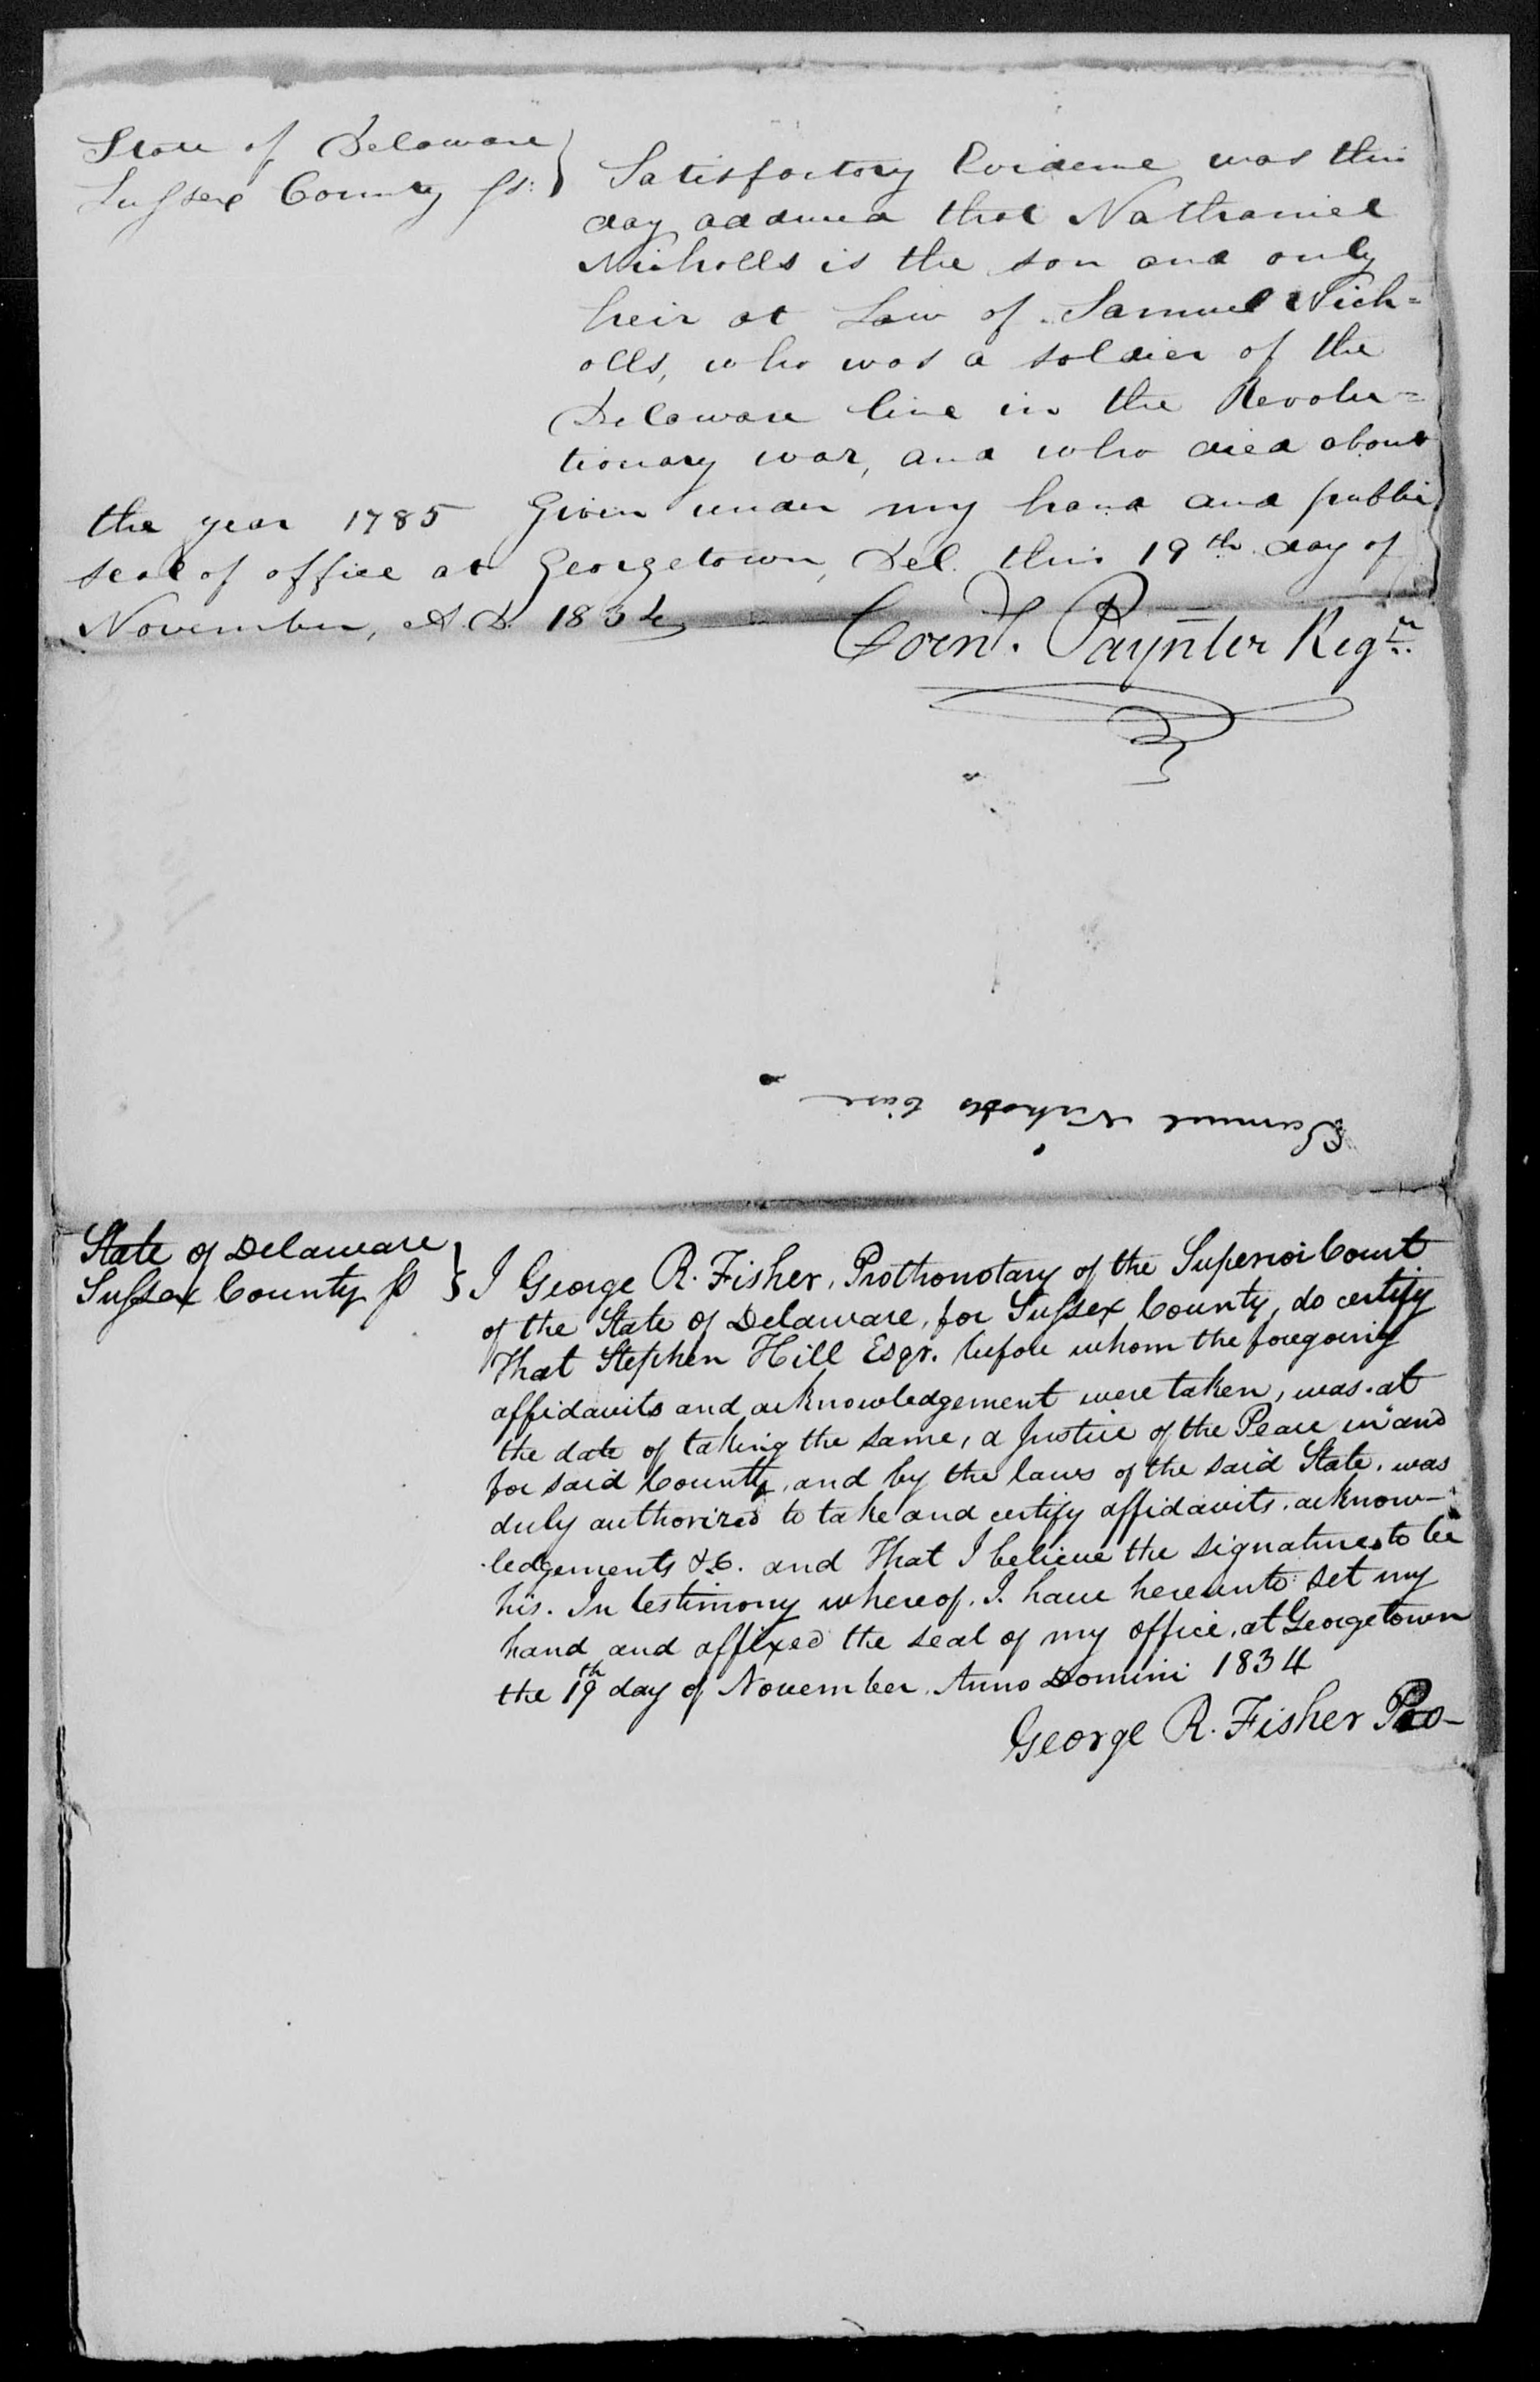[handwritten]

State of Delaware}
Sussex County ss:}
Satisfactory Evidence was this
day adduced that Nathaniel
Nicholls is the son and only
heir at law of Samuel Nicholls,
who was a soldier of the
Delaware line in the Revolutionary war, 
and who died about the year 1785
Given under my hand and public seal of office at
Georgetown Del this 19th day of November,
A.D. 1834,
Cornl Paynter Regt
[appear upside down] Samuel Nicholls case

State of Delaware}
Sussex County ss}
I George R. Fisher, Prothonotary of the Superior Court
of the State of Delaware, for Sussex County, do certify
That Stephen Hill Esqr. before whom the foregoing
affidavits and acknowledgement were taken, was at
the date of taking the same, a Justice of the Peace in and
for said County, and by the laws of the said State, was
duly authorized to take and certify affidavits, 
acknowledgements &c. and that I believe the signature to be
his. In testimony whereof I have hereunto set my
hand and affixed the seal of my office, at Georgetown 
the 19th day of November Anno Domini 1834
George R. Fisher Pro-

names: Stephen Hill; Nathaniel Nicholls; Samuel Nicholls; George R Fisher; Cornl Paynter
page: 7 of 7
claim: bounty land warrant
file: B. L. Wt. 2078-100, for Samuel Nickolls, Delaware